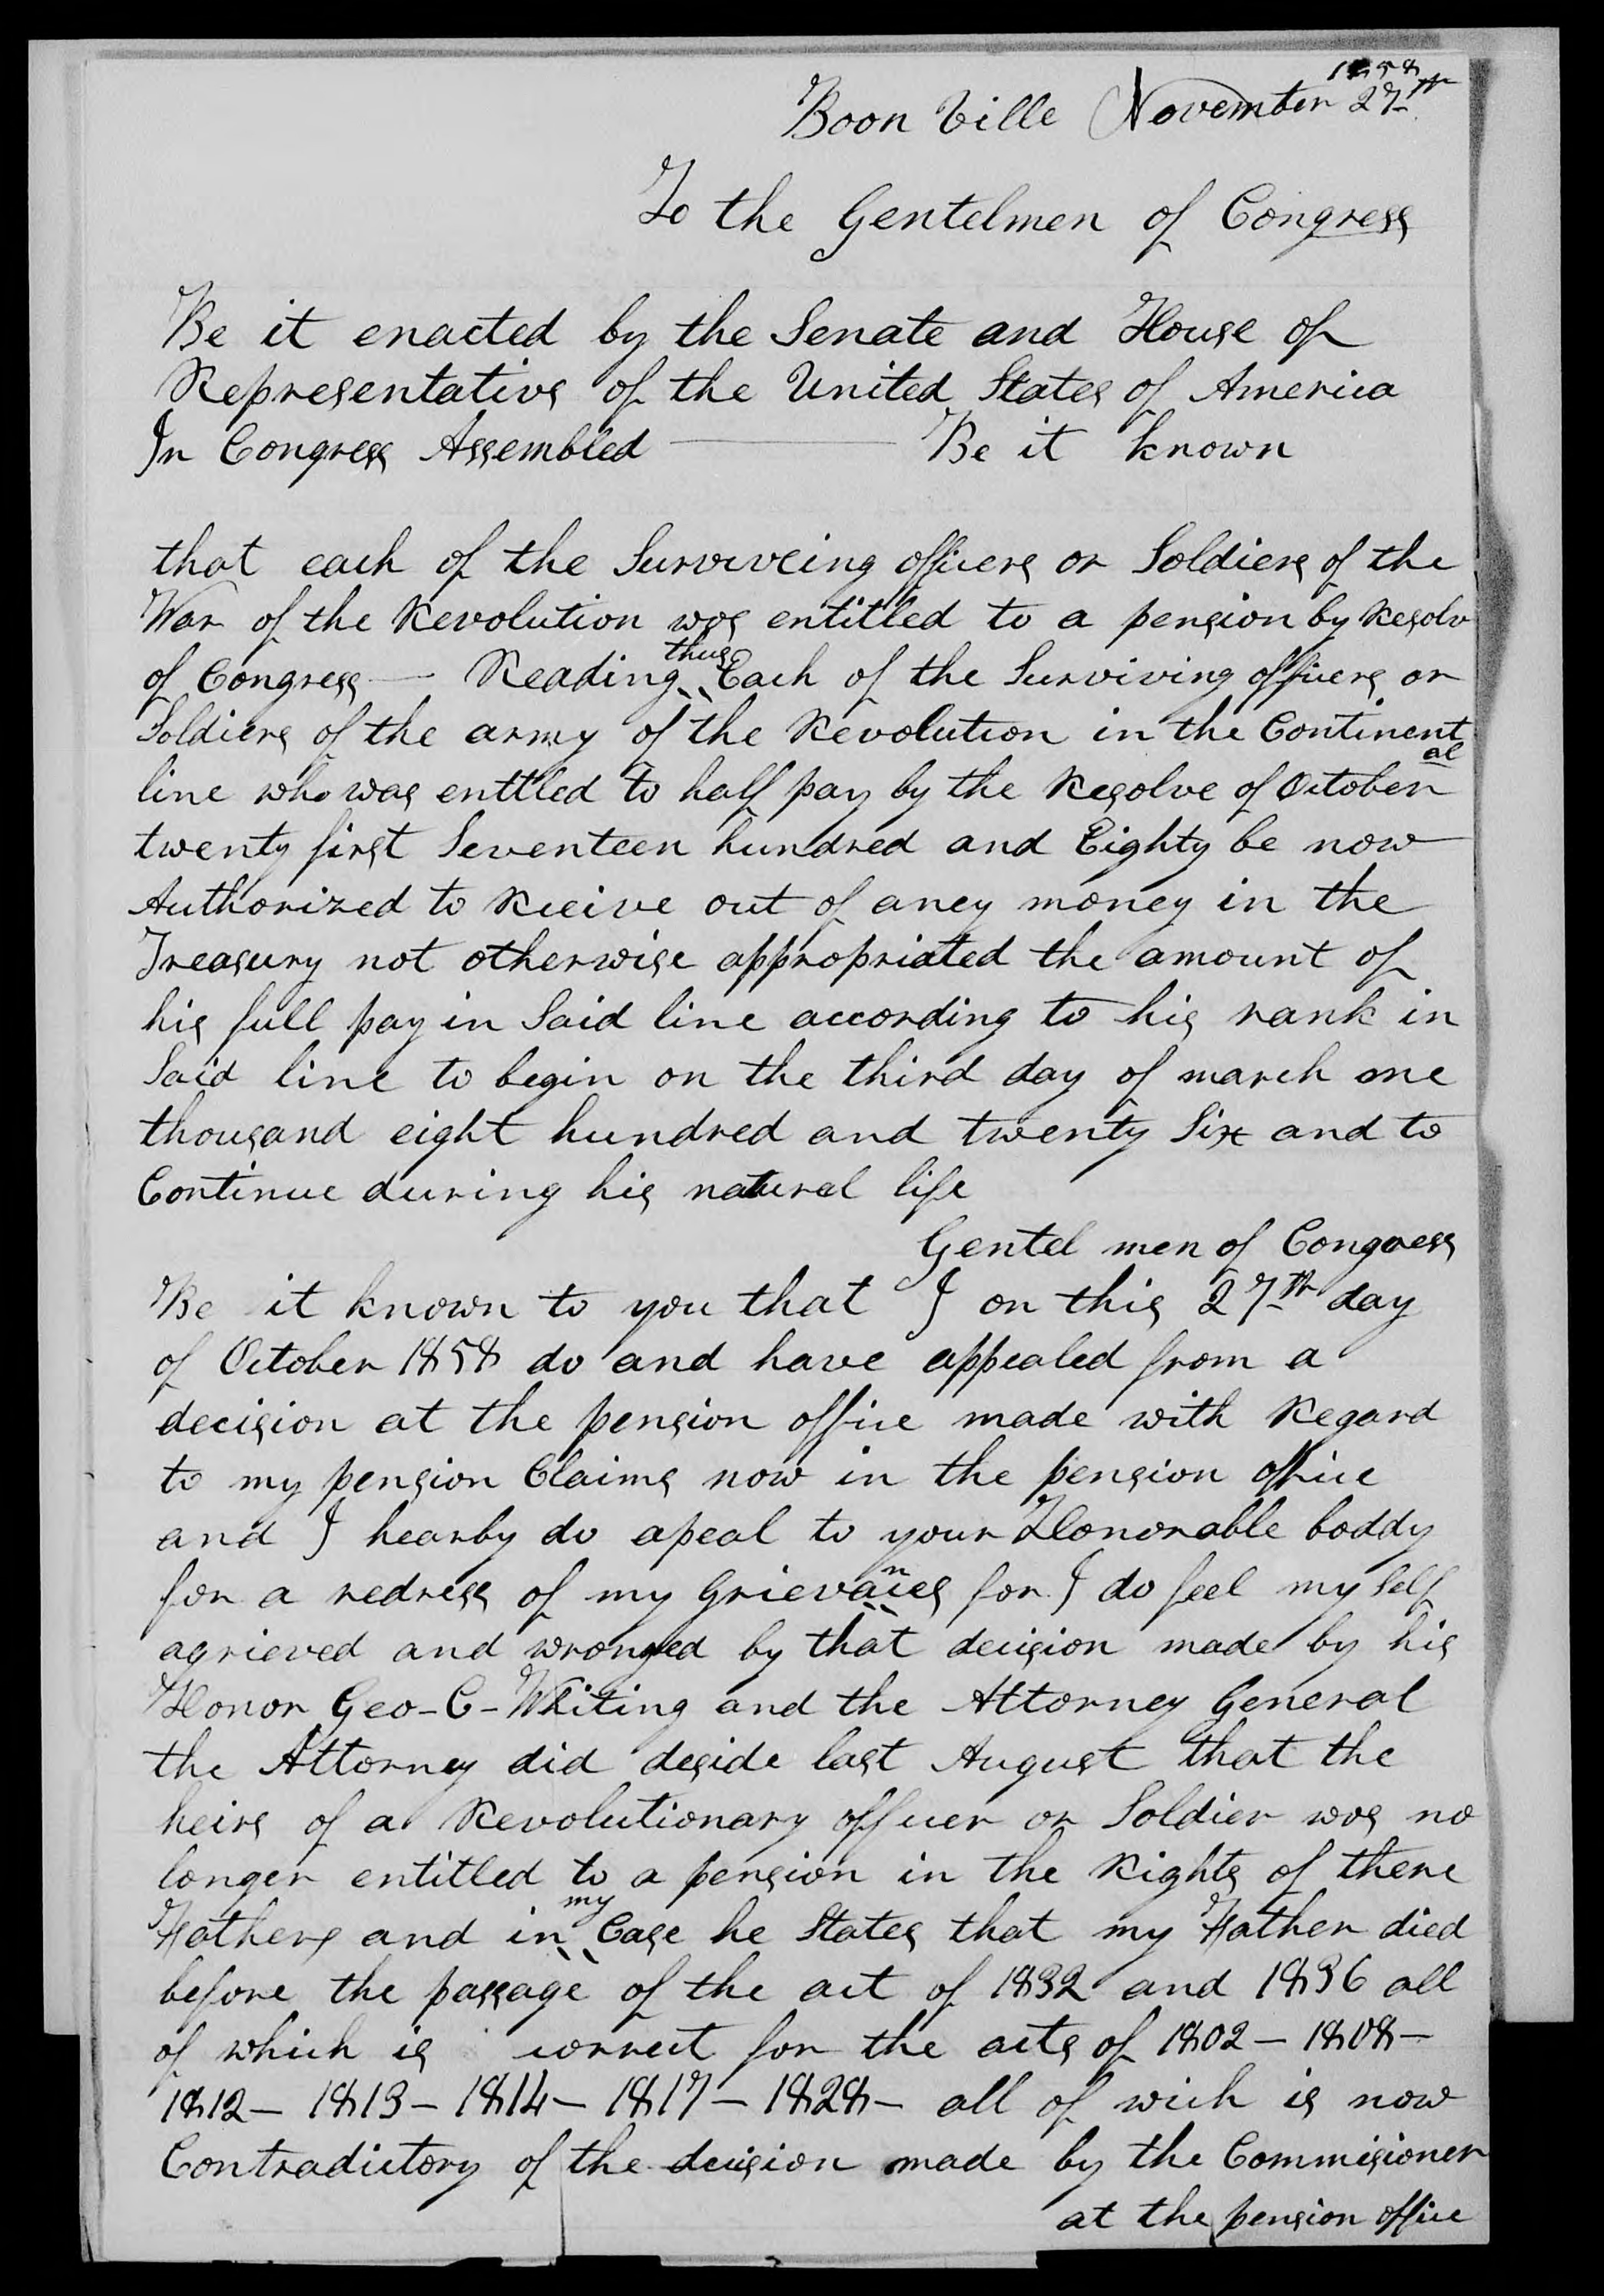Boon Ville November 27th 1858 
To the Gentelmen of Congress 
Be it enacted by the Senate and House of Representative of the United States of America In Congress Assembled  Be it known that each of the surviving officers or Soldiers of the War of the Revolution was entitled to a pension by Resolv of Congress - Reading this Each of the Surviving officers or Soldiers of the army of the Revolution in the Continental line who was entitled to half pay by the Resolve of October twenty first Seventeen hundred and Eighty be now Authorized to receive out of aney money in the Treasury not otherwise appropriated the amount of his full pay in said line according to his rank in said line to begin on the third day of March one thousand eight hundred and twenty six and to continue during his natural life 
Gentel men of Congress Be it known to you that on this 27th day of October 1858 do and have appealed from a decision at the pension office made with regard to my pension claims now in the pension office and I hearby do apeal to your Honorable boddy for a redress of my grievances for I do feel myself agrieved and wronged by that decision made by his Honor Geo. C. Whiting and the Attorney General the Attorney did deside last August that the heirs of a Revolutionary officer or Soldier was no longer entitled to a pension in the rights of there Fathers and in my case he states that my Father died before the passage of the act of 1832 and 1836 all of which is correct for the act of 1802 - 1808 - 1812- 1813 -1814 – 1817 - 1828 - all of wich is now Contradictory of the decision made by the Commisioner at the pension office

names: Geo C Whiting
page: 36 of 44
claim: rejected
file: R. 17,033, for Joseph Perkins, New York